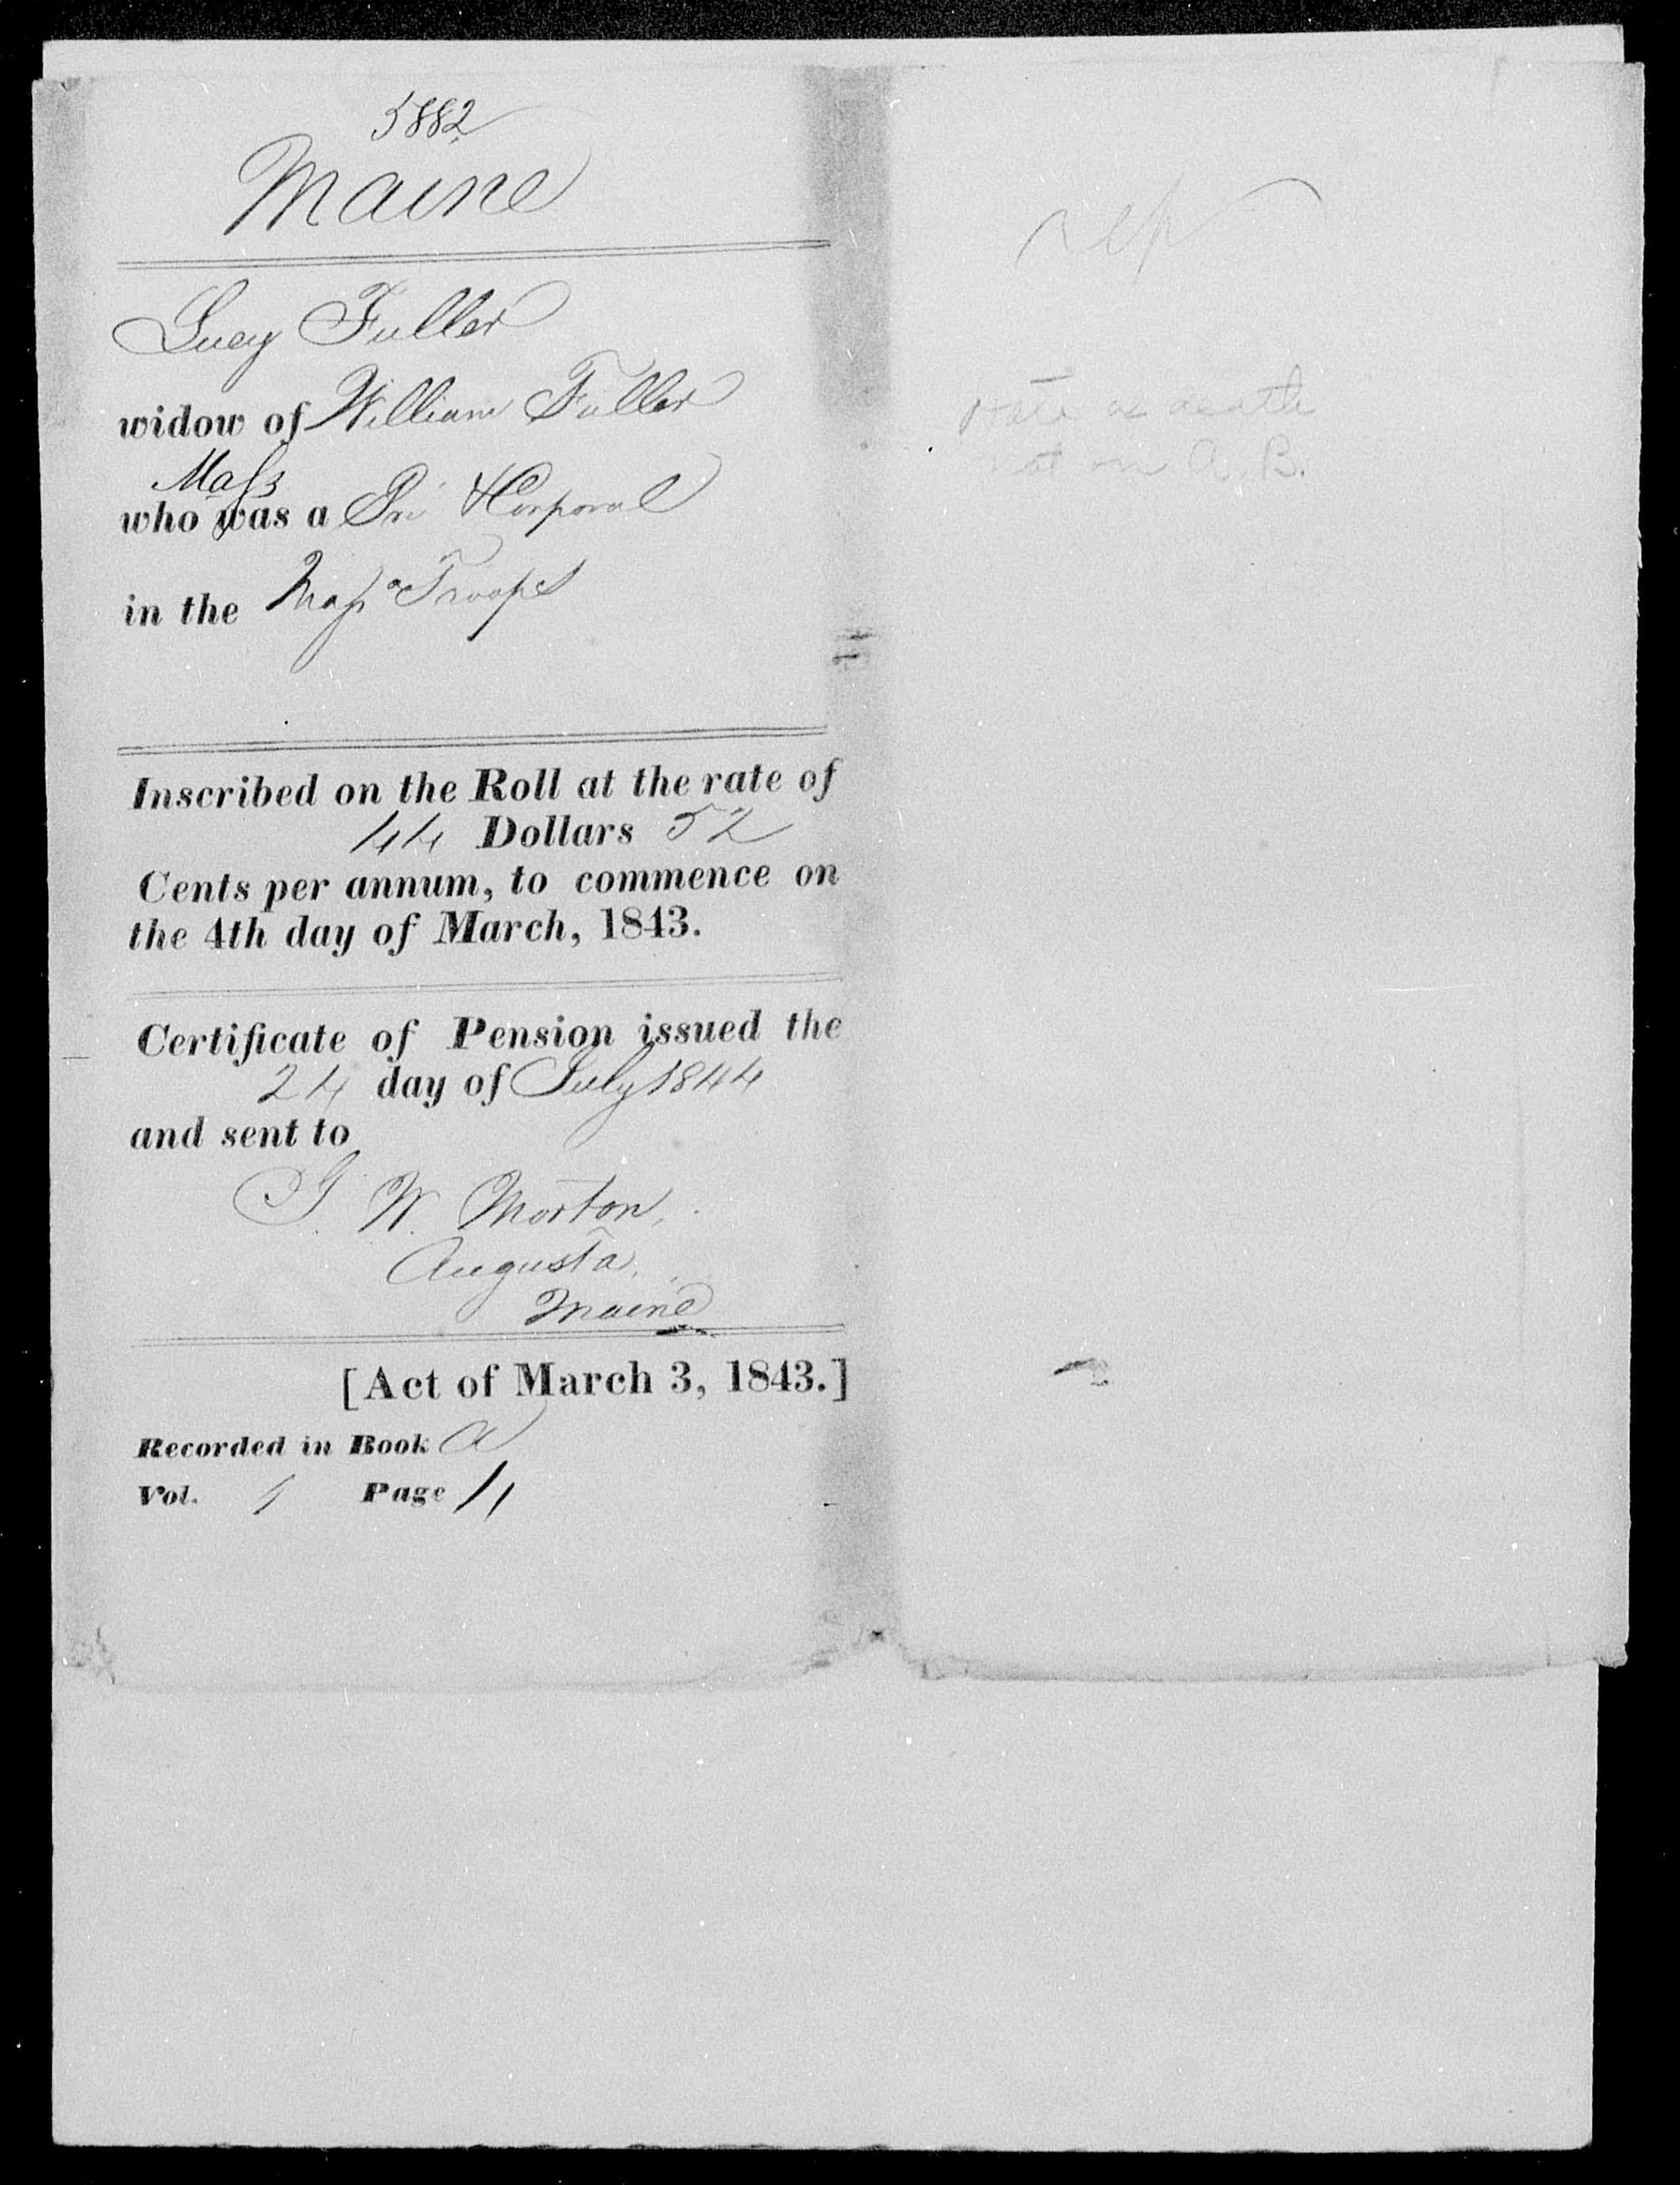5882
Maine
Lucy Fuller
widow of William Fuller
Mass
who was a Priv & Corporal
in the Mass Troops
Inscribed on the Roll at the rate of
44 Dollars 52
Cents per annum, to commence on
the 4th day of March, 1843.
Certificate of Pension issued the
24 day of July 1844
and sent to G. W. Morton, 
Augusta,
Maine
[Act of March 3, 1843.]
Recorded in Book a
Vol. 1 page 11
[added in pencil on right side of fold]
ref
oath of death
not on A.B.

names: Lucy Fuller, William Fuller, G W Morton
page: 3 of 45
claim: widow's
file: W. 17933, William Fuller, Mass